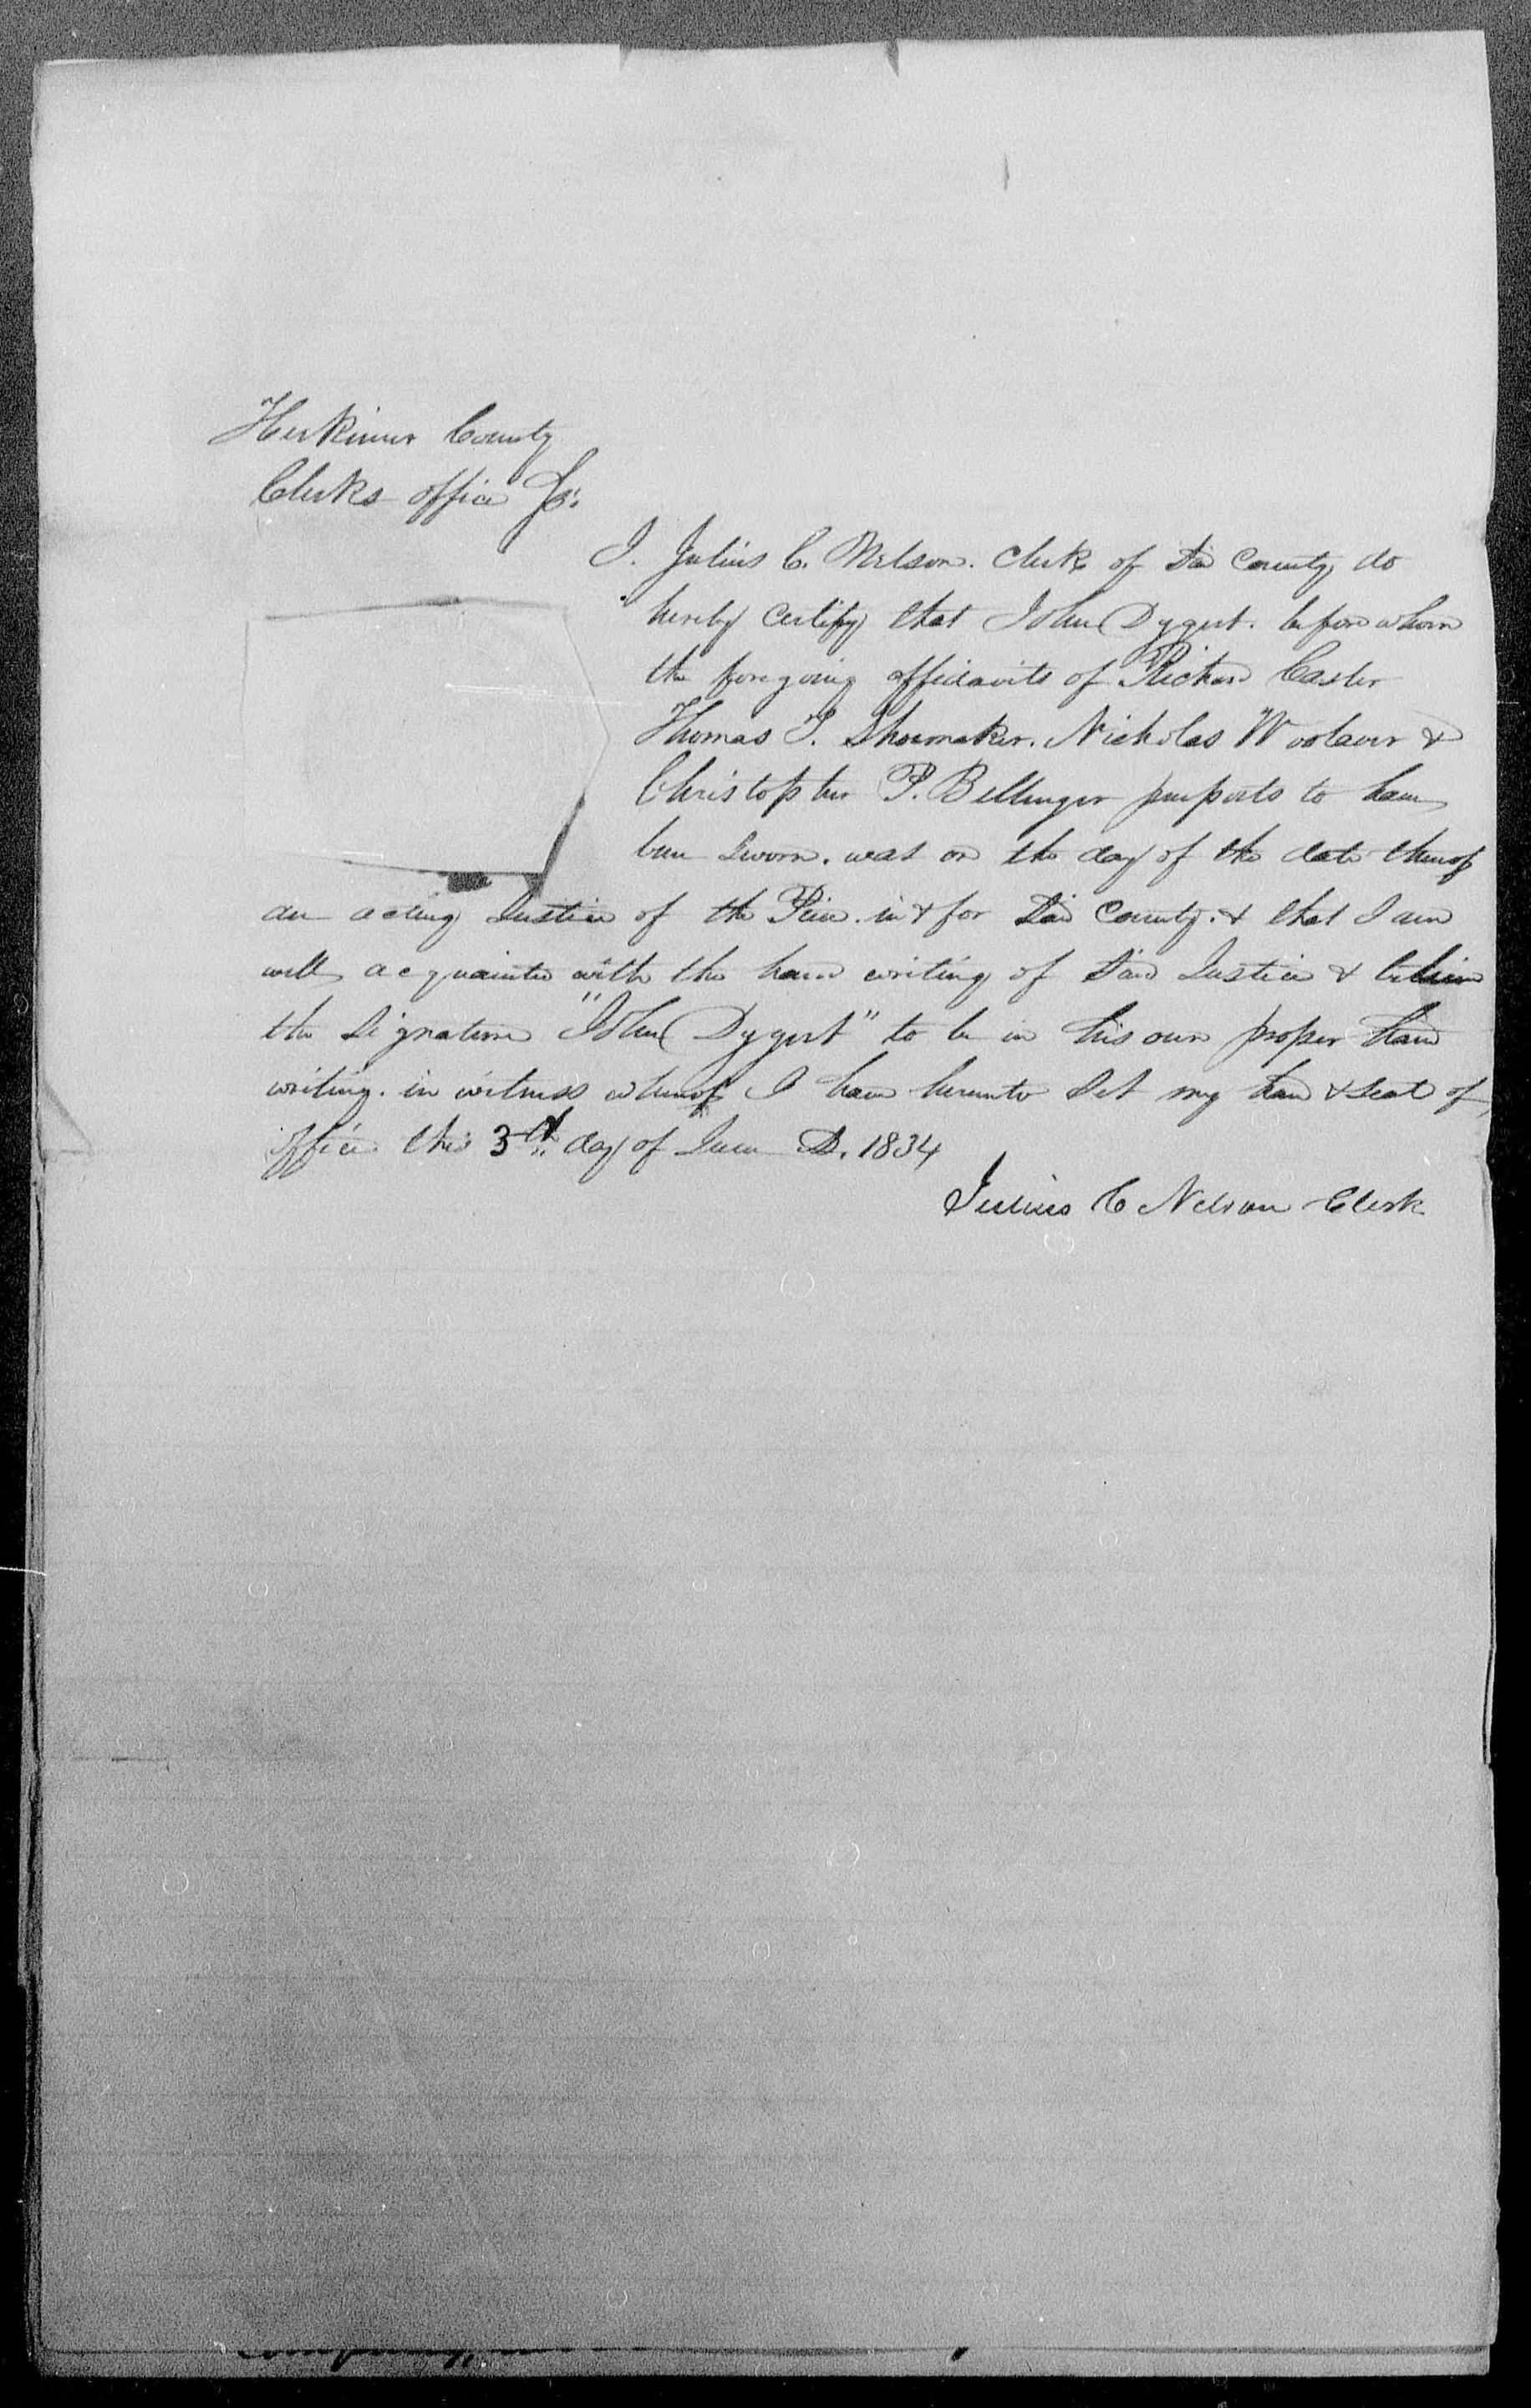Herkimer County 
Clerks office ss: 
I Julius C. Nelson, Clerk of the County do hereby certify that John Dygert, before whom the foregoing affidavits of Richard Casler Thomas T. Shoemaker, Nicholas Woolaver & Christopher P. Bellinger purports to have been sworn was on the day of the date thereof an acting Justice of the peace for said County & that I am well acquainted with the hand writing of said Justice & believe the signature “John Dygert" to be in his own proper hand writing, in witness whereof I have hereunto set my hand & seal of office this 3rd day of June AD. 1834 
[signed] Julius C Nelson Clerk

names: John Dygert, Christopher P Bellinger, Julius C Nelson, John Dygert, Richard Casler, Nicholas Woolaver, Julius C Nelson, Thomas T Shoemaker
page: 57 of 66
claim: widow's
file: W. 6637, Richard Caslar, New York